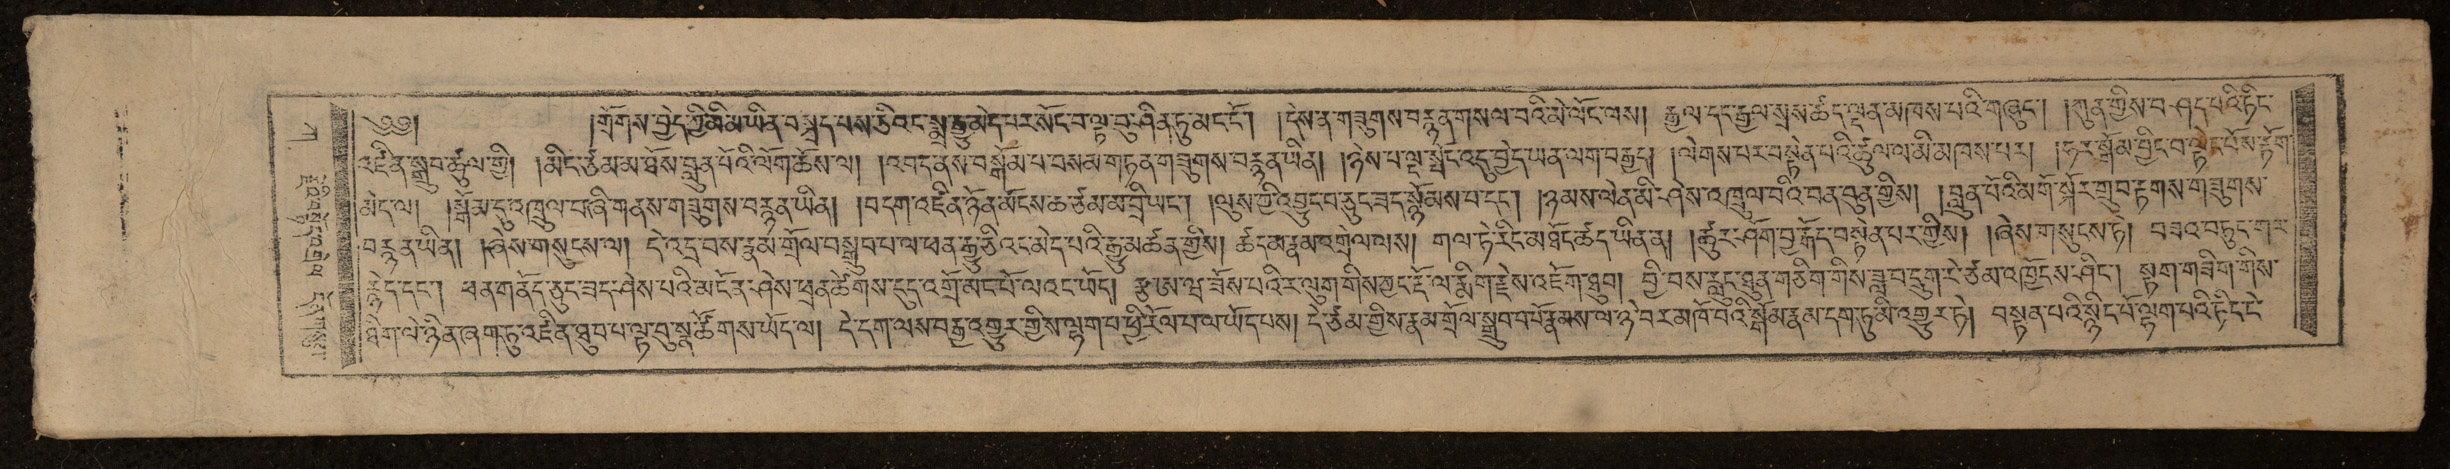༄༅། །གྲོགས་བྱེད་ཀྱི་མི་མ་ཡིན་པ་སྐྲད་པས་ཅིའང་སྨྲ་རྒྱུ་མེད་པར་སོང་བ་ལྟ་བུ་ཤིན་ཏུ་མང་ངོ། །ངེས་ན་གཟུགས་བརྙན་གསལ་པའི་མེ་ལོང་ལས། རྒྱལ་དང་རྒྱལ་སྲས་ཚང་ལྡན་མཁས་པའི་གཞུང་། །ཀུན་གྱིས་བཤད་པའི་ཏིང་
འཛིན་སྒྲུབ་ཚུལ་གྱི། །མིང་ཙམ་མཐོས་བླུན་པོའི་ལོག་ཆོས་ལ། །འབད་ནས་བསྒོམ་པ་བསམ་གཏན་གཟུགས་བརྙན་ཡིན། །ཉེས་བ་ལྔ་སྤོང་འདུ་བྱེད་ལན་ལག་བརྒྱད། །ལེགས་བར་བསྟེན་པའི་ཚུལ་ལ་མི་མཁས་བར། །ཧར་སྒོམ་བྱིང་བ་ལྟེང་བོས་རྟོག་
མེད་ལ། །སྒོམ་དུ་འཁྲུལ་པ་ཞི་གནས་གཟུགས་བརྙན་ཡིན། །བདག་འཛིན་ཉོན་མོངས་ཆ་ཙམ་མ་བྲི་ཡང་། །ལུས་ཀྱི་འབྱུང་བ་ཅུང་ཟད་སྙོམས་བ་དང་། །ཉམས་ལེན་མི་ཤེས་འཁྲུལ་བའི་བན་བུན་གྱིས། །བླུན་བོའི་མགོ་སྐོར་གྲུབ་རྟགས་གཟུགས་
བརྙན་ཡིན། །ཞེས་གསུངས་ལ། དེ་འདྲབས་རྣམ་གྲོལ་བསྒྲུབ་པ་ལ་ཕན་རྒྱུ་ཅིའང་མེད་བའི་རྒྱུ་མཚན་གྱིས། ཚད་མ་རྣམ་འགྲེལ་ཡས། གལ་ཏེ་རིང་མཐོང་ཚད་ཡིན་ན། །ཚུར་ཤོག་བྱ་རྒོད་བསྟེན་པར་གྱིས། །ཞེས་གསུངས་ཏེ། བཟའ་བཏུང་གར་
རྙེད་དང་། ཕན་གནོད་ཅུང་ཟད་ཤེས་བའི་མངོན་ཤེས་ཕྲན་ཚེགས་དུད་འགྲོ་མང་བོ་ལའང་ཡོད། རྩ་ཨཝ་ཟོས་བའི་ར་ཡུག་གིས་ཀྱང་རྡོ་ལ་རྨིག་རྗེས་འཇོག་ཐུབ། ཕྱི་བས་རླུང་ཐུན་གཅིག་གིས་ཟླ་བ་དྲུག་རེ་ཙམ་འཁྱོངས་ཤིང་། སྟག་གཟིག་གིས་
ཐིག་ལེ་ཉིན་ཞག་ཏུ་འཛིན་ཐུབ་བ་ལྟ་བུ་སྣ་ཚོགས་ཡོད་ལ། དེ་དག་ལས་བརྒྱ་འགྱུར་གྱིས་ལྷག་པ་ཕྱི་རོལ་པ་ལ་ཡོད་པས། དེ་ཙམ་གྱིས་རྣམ་གྲོལ་སྒྲུབས་པོ་རྣམས་ལ་ཉེ་བར་མཁོ་བའི་སྐོམ་རྣམ་དག་ཏུ་མི་འགྱུར་ཏེ། བསྟན་པའི་སྙིང་པོ་ལྷག་པའི་ཏིང་ངེ་